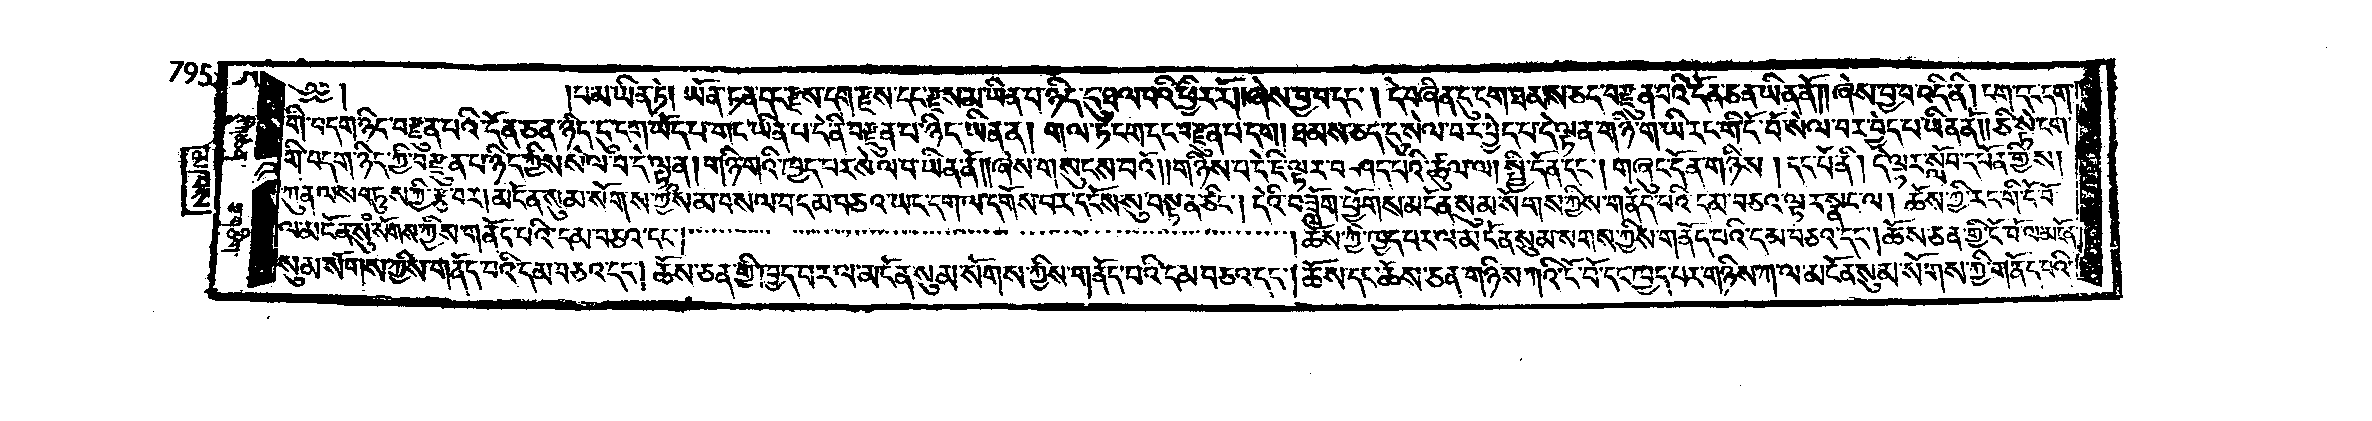༄༅། །པ་མ་ཡིན་ཏེ། ཡོན་ཏན་དང་རྫས་དག་རྫས་དང་རཛས་མ་ཡིན་པ་ཉིད་དུ་ཐལ་བའི་ཕྱིར་རོ། ཞེས་བྱ་བ་དང་། དེ་བཞིན་དུ་ངག་ཐམས་ཅད་བརྫུན་པའི་དོན་ཅན་ཡིན་ནོ། །ཞེས་བྱ་བ་འདི་ནི། ངག་དང་དག་
གི་བདག་ཉིད་བརྫུན་པའི་དོན་ཅན་ཉིད་དུ་ངག་ཡོད་པ་གང་ཡིན་པ་དེ་ནི་བརྫུན་པ་ཉིད་ཡིན་ན། གལ་ཏེ་ངག་དང་བརྫུན་པ་དག། ཐམས་ཅད་དུ་སེལ་བར་བྱེད་པ་དེ་ལྟ་ན་གཉི་ག་ཡི་རང་གི་ངོ་བོ་སེལ་བར་བྱེད་པ་ཡིན་ནོ། །ཅི་སྟེ་ངག་
གི་བདག་ཉིད་ཀྱི་བརྫུན་པ་ཉིད་ཀྱིས་སེལ་བ་དེ་ལྟ་ན། གཉི་གའི་ཁྱད་པར་སེལ་བ་ཡིན་ནོ། །ཞེས་གསུངས་པའོ། །གཉིས་པ་དེ་ཇི་ལྟར་བཤད་པའི་ཚུལ་ལ། སྤྱི་དོན་དང་། གཞུང་དོན་གཉིས། དང་པོ་ནི། དེ་ལྟར་སློབ་དཔོན་གྱིས།
ཀུན་ལས་བཏུས་ཀྱི་རྩ་བར། མངོན་སུམ་སོགས་ཀྱིས་མ་བསལ་བ་དམ་བཅའ་ཡང་དག་ལ་དགོས་པར་དངོས་སུ་བསྟན་ཅིང་། དེའི་བཟློག་ཕྱོགས་མངོན་སུམ་སོགས་ཀྱིས་གནོད་པའི་དམ་བཅའ་ལྟར་སྣང་ལ། ཆོས་ཀྱི་རང་གི་ངོ་བོ་
ལ་མངོན་སུམ་སོགས་ཀྱིས་གནོད་པའི་དམ་བཅའ་དང་། །ཆོས་ཀྱི་ཁྱད་པར་ལ་མངོན་སུམ་སོགས་ཀྱིས་གནོད་པའི་དམ་བཅའ་དང་། ཆོས་ཅན་གྱི་ངོ་བོ་ལ་མངོན་
སུམ་སོགས་ཀྱིས་གནོད་པའི་དམ་བཅའ་དང་། ཆོས་ཅན་གྱི་ཁྱད་པར་ལ་མངོན་སུམ་སོགས་ཀྱིས་གནོད་པའི་དམ་བཅའ་དང་། ཆོས་དང་ཆོས་ཅན་གཉིས་ཀའི་ངོ་བོ་དང་ཁྱད་པར་གཉིས་ཀ་ལ་མངོན་སུམ་སོགས་ཀྱི་གནོད་པའི་